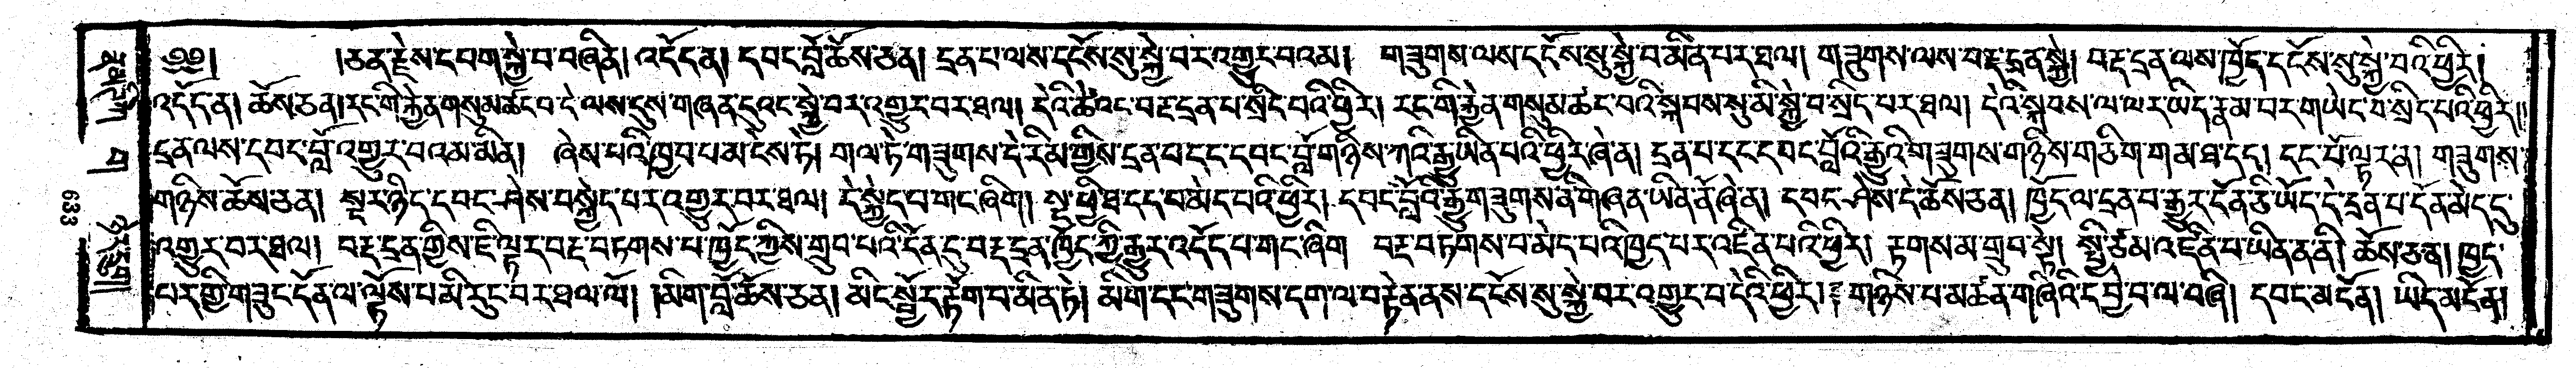༄༅། །ཅན་རྗེས་དཔག་སྐྱེ་བ་བཞིན། འདོད་ན། དབང་བློ་ཆོས་ཅན། དྲན་པ་ལས་དངོས་སུ་སྐྱེ་བར་འགྱུར་པའམ། གཟུགས་ལས་དངོས་སུ་སྐྱེ་བ་མིན་པར་ཐལ། གཟུགས་ལས་བརྡ་དྲན་སྐྱེ། བརྡ་དྲན་ལས་ཁྱོད་དངོས་སུ་སྐྱེ་བའི་ཕྱིར།
འདོད་ན། ཆོས་ཅན། རང་གི་རྐྱེན་གསུམ་ཚང་བ་དེ་ལས་དུས་གཞན་དུའང་སྐྱེ་བར་འགྱུར་པར་ཐལ། དེའི་ཚེ་འང་བརྡ་དྲན་པ་སྲིད་པའི་ཕྱིར། རང་གི་རྐྱེན་གསུམ་ཚང་བའི་སྐབས་སུ་མི་སྐྱེ་བ་སྲིད་པར་ཐལ། དེའི་སྐབས་ལ་ལར་ཡིད་རྣམ་པར་གཡེང་བ་སྲིད་པའི་ཕྱིར།
དྲན་ལས་དབང་བློ་འགྱུར་བའམ་མིན། ཞེས་པའི་ཁྱབ་པ་མ་ངེས་ཏེ། གལ་ཏེ་གཟུགས་དེ་རིམ་གྱིས་དྲན་པ་དང་དབང་བློ་གཉིས་ཀའི་རྒྱུ་ཡིན་པའི་ཕྱིར་ཞེ་ན། དྲན་པ་དང་དབང་བློའི་རྒྱུའི་གཟུགས་གཉིས་གཅིག་གམ་ཐ་དང་། དང་པོ་ལྟར་ན། གཟུགས་
གཉིས་ཆོས་ཅན། སྔར་ཉིད་དབང་ཤེས་བསྐྱེད་པར་འགྱུར་བར་ཐལ། དེ་སྐྱེད་བ་གང་ཞིག། སྔ་ཕྱི་ཐ་དད་བ་མེད་པའི་ཕྱིར། དབང་བློའི་རྒྱུ་གཟུགས་ནི་གཞན་ཡིན་ནོ་ཞེ་ན། དབང་ཤེས་དེ་ཆོས་ཅན། ཁྱོད་ལ་དྲན་པ་རྒྱུར་དོན་ཅི་ཡོད་དེ་དྲན་པ་དོན་མེད་དུ་
འགྱུར་པར་ཐལ། བརྡ་དྲན་གྱིས་ཇི་ལྟར་བརྡ་བཏགས་པ་ཁྱོད་ཀྱིས་གྲུབ་པའི་དོན་དུ་བརྡ་དྲན་ཁྱོད་ཀྱི་རྒྱུར་འདོད་པ་གང་ཞིག་བརྡ་བཏགས་བ་མེད་པའི་ཁྱད་པར་འཛིན་པའི་ཕྱིར། རྟགས་མ་གྲུབ་པ་སྟེ། སྤྱི་ཙམ་འཛིན་པ་ཡིན་ན་ནི། ཆོས་ཅན། ཁྱད་
པར་གྱི་གཟུང་དོན་ལ་ལྟོས་པ་མི་རུང་པར་ཐལ་ལོ། །མིག་བློ་ཆོས་ཅན། མིང་སྦྱོར་རྟོག་པ་མིན་ཏེ། མིག་དང་གཟུགས་དག་ལ་བརྟེན་ནས་དངོས་སུ་སྐྱེ་བར་འགྱུར་པ་དེའི་ཕྱིར། གཉིས་པ་མཚན་གཞིའི་དབྱེ་བ་ལ་བཞི། དབང་མངོན། ཡིད་མངོན།